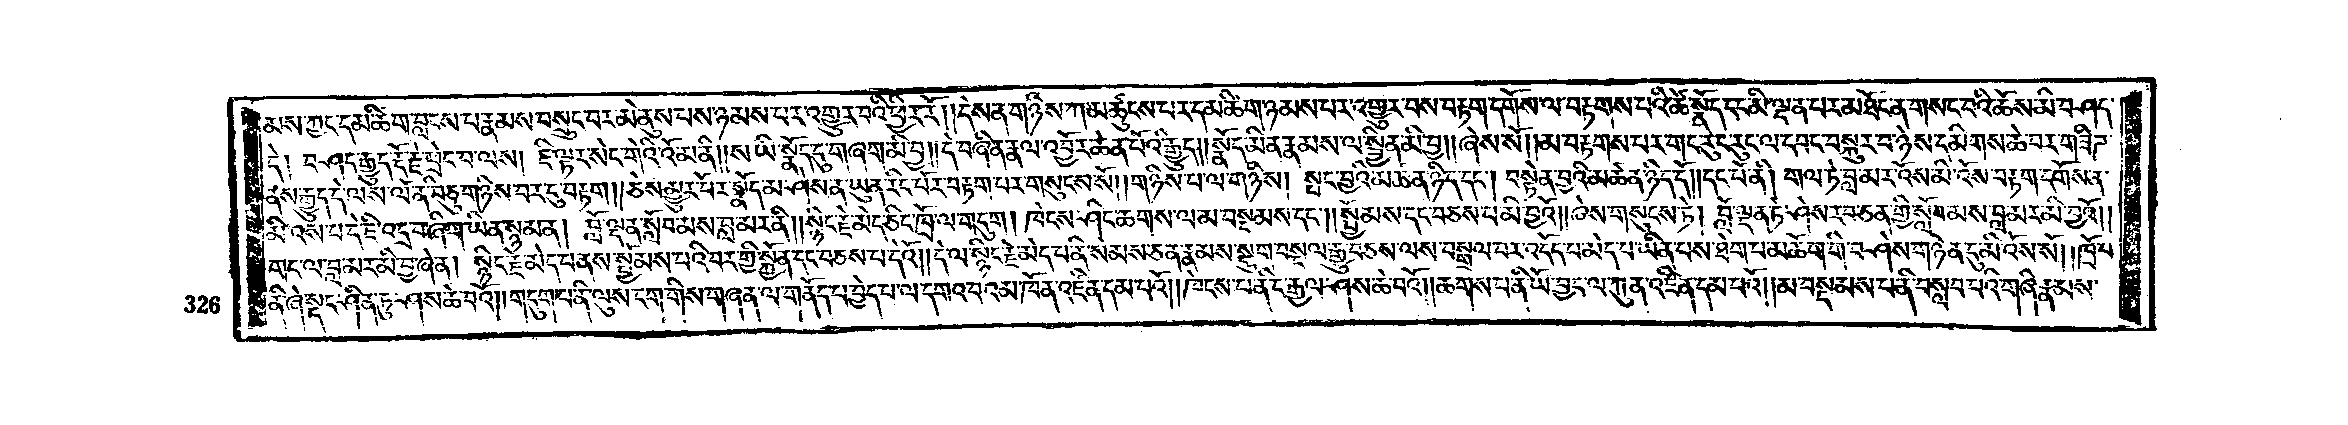མས་ཀྱང་དམ་ཚིག་བླངས་པ་རྣམས་བསྲུང་བར་མེ་ནུས་པས་ཉམས་པར་འགྱུར་བའི་ཕྱིར་རོ། །དེས་ན་གཉིས་ཀ་མཚུངས་པར་དམ་ཚིག་ཉམས་པར་འགྱུར་བས་བརྟག་དགོས་ལ་བརྟགས་པའི་ཚེ་སྣོད་དང་མི་ལྡན་པར་མཐོང་ན་གསང་བའི་ཆོས་མི་བཤད་
དེ། བཤད་རྒྱུད་རྡོ་རྗེ་ཕྲེང་བ་ལས། ཇི་ལྟར་སེང་གེའི་འོ་མ་ནི། །ས་ཡི་སྣོད་དུ་གཞག་མི་བྱ། །དེ་བཞིན་རྣལ་འབྱོར་ཆེན་པོའི་རྒྱུད། །སྣོད་མིན་རྣམས་ལ་སྦྱིན་མི་བྱ། །ཞེས་སོ། །མ་བརྟགས་པར་གང་རུང་རུང་ལ་དབང་བསྐུར་བ་ཉེས་དམིགས་ཆེ་བར་གཟིགས་
ནས་རྒྱུད་དེ་ལས་ལོ་ནི་བཅུ་གཉིས་བར་དུ་བརྟག། །ཅེས་མྱུར་པོར་སྣོད་མ་ཤེས་ན་ཡུན་རིང་པོར་བརྟག་པར་གསུངས་སོ། །གཉིས་པ་ལ་གཉིས། སྤང་བྱའི་མཚན་ཉིད་དང་། བསྟེན་བྱའི་མཚན་ཉིད་དོ། །དང་པོ་ནི། གལ་ཏེ་བླ་མར་འོས་མི་འོས་བརྟག་དགོས་ན་
མི་འོས་པ་དེ་ཇི་འདྲ་བ་ཞིག་ཡིན་སྙམ་ན། བློ་ལྡན་སློབ་མས་བླ་མར་ནི། །སྙིང་རྗེ་མེད་ཅིང་ཁྲོ་ལ་གདུག །ཁེངས་ཤིང་ཆགས་ལ་མ་བསྡམས་དང་། །སྤྱོམས་དང་བཅས་པ་མི་བྱའོ། །ཞེས་གསུངས་ཏེ། བློ་ལྡན་ཏེ་ཤེས་རབ་ཅན་གྱི་སློབ་མས་བླ་མར་མི་བྱའོ།།
གང་ལ་བླ་མར་མི་བྱ་ཞེ་ན། སྙིང་རྗེ་མེད་པ་ནས་སྤྱོམས་པའི་བར་གྱི་སྐྱོན་དང་བཅས་པ་དེའོ། །དེ་ལ་སྙིང་རྗེ་མེད་པ་ནི་སེམས་ཅན་རྣམས་སྡུག་བསྔལ་རྒྱུ་བཅས་ལས་བསྒྲལ་བར་འདོད་པ་མེད་པ་ཡིན་པས་ཐེག་པ་མཆོག་གི་བཤེས་གཉེན་དུ་མི་འོས་སོ། །ཁྲོ་བ་
ནི་ཞེ་སྡང་ཤིན་ཏུ་ཤས་ཆེ་བའོ། །གདུག་པ་ནི་ལུས་ངག་གིས་གཞན་ལ་གནོད་པ་བྱེད་པ་ལ་དགའ་བའམ་ཁོན་འཛིན་དམ་པའོ། །ཁེངས་པ་ནི་ང་རྒྱལ་ཤས་ཆེ་བའོ། །ཆགས་པ་ནི་ཡོ་བྱད་ལ་ཀུན་འཛིན་དམ་པའོ། །མ་བསྡམས་པ་ནི་བསླབ་པའི་གཞི་རྣམས་